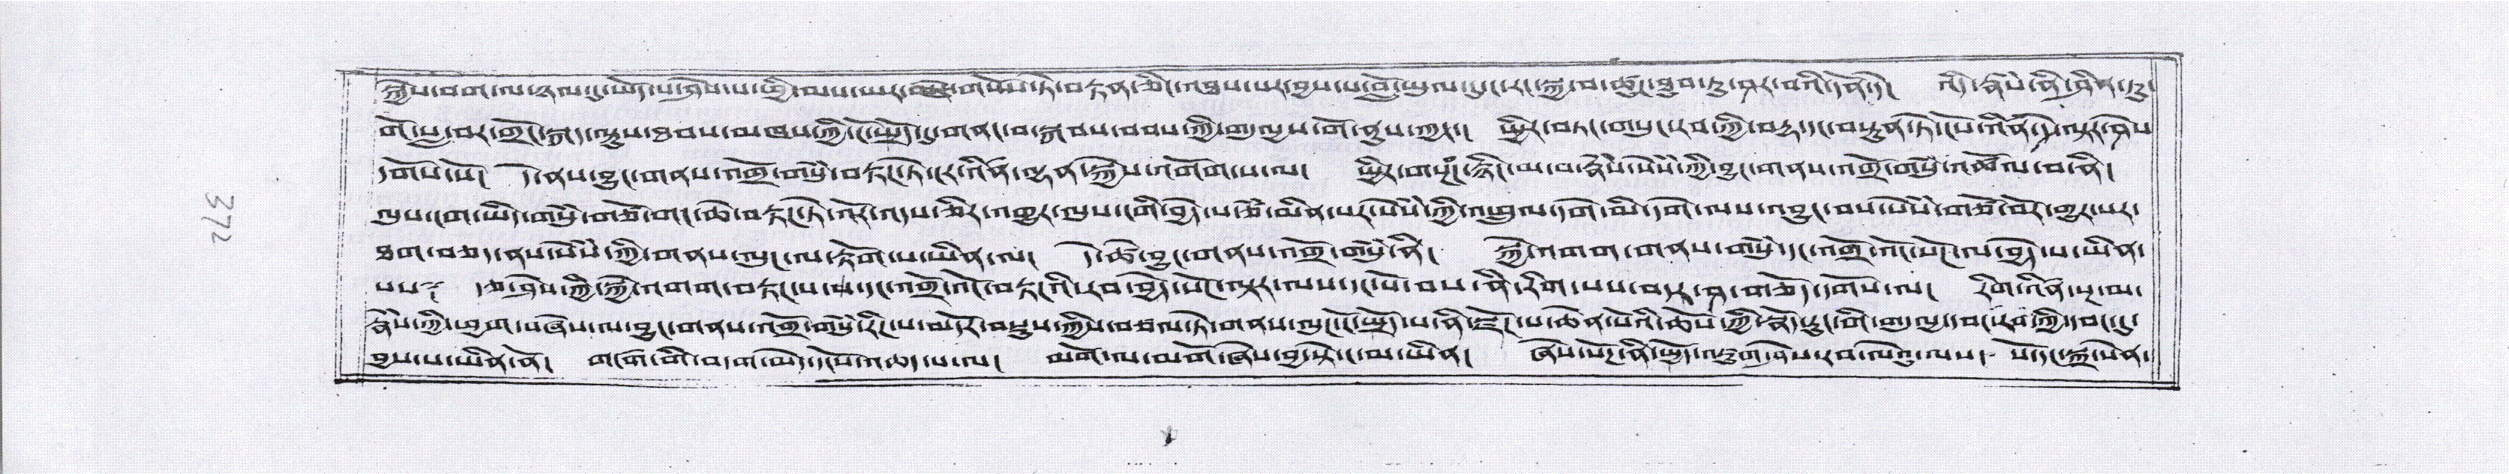སྐྱེས་བག་ལ་ཉལ་དུ་ཡོད་པ་ཤེས་པ་ཕྱི་མས་ཡར་གསོས་ཏེ་བརྟན་ཅིང་འཐས་པར་བྱས་པ་བློ་ཡུལ་དུ་ང་རང་སྐྱ་བ་ཚུགས་ཐུབ་ཏུ་ཤར་བའི་དོན་དེ། འདི་རྣམས་ནི་ཤིན་ཏུ་
གོ་སླ་བར་གྲོང་སྐད་ལྟ་བུས་ཐབས་མཁས་ཀྱི་ངོ་སྤྲོད་དུ་གནང་བ་སྐབས་བབས་ཀྱི་གདུལ་བྱས་གོ་ནུས་ཀྱང། སྤྱིར་བཏང་གསུང་རབ་ཀྱི་བརྡ་དང་བསྟུན་ཏེ་ངོས་འཛིན་དེ་ལྟར་ཤེས་
དགོས་སོ། དེ་ནས་བྱུང་གནས་འགྲོ་གསུམ་བརྟགས་ཏེ་ངར་འཛིན་ལྷན་སྐྱེས་འགོག་པ་ལ། སྤྱིར་གསང་སྔགས་རྙིང་མ་བ་རྣམས་སེམས་ཀྱི་བྱུང་གནས་འགྲོ་གསུམ་འཚོལ་བ་ནི། 
ལུས་ངག་ཡིད་གསུམ་གཙོ་གང་ཆེ་བརྟགས་ཏེ་འཁོར་འདས་ཅིར་འགྱུར་ལུས་ངག་གི་བྱེད་པ་ཙམ་མིན་པར་སེམས་ཀྱི་འཕྲུལ་དགེ་མི་དགེ་ལས་འབྱུང་བས་སེམས་གཙོ་བོར་གྱུར་པར་
ཐག་བཅད་ནས་སེམས་ཀྱི་གནས་ལུགས་ལ་རྟོག་པ་ཡིན་ལ། དེ་ཚེ་བྱུང་གནས་འགྲོ་གསུམ་ནི། སྐྱེ་འགག་གནས་གསུམ་དང་འགྲོ་འོང་སོགས་ལ་བྱེད་པ་ཡིན་
པས། རྩ་ཤེས་ཀྱི་སྐྱེ་འགག་བརྟགས་པ་དང་འགྲོ་འོང་བརྟགས་པའི་རབ་བྱེད་སོགས་ལྟར་ལས་དང་པོ་བས་ནི་རིག་པས་བདར་ཤ་གཅོད་དགོས་ལ། རིག་འཛིན་སྔ་མ་
རྣམས་ཀྱི་ཕྱག་བཞེས་ལ་བྱུང་གནས་འགྲོ་གསུམ་རིགས་པ་མདོར་བསྡུས་ཀྱིས་བཙལ་ཏེ་གནས་ལུགས་ངོ་སྤྲོད་པ་ནི་རྫོགས་པ་ཆེན་པོའི་ཆོས་ཀྱི་སྣོད་རུང་གི་གདུལ་བྱ་དབང་རབ་ཀྱི་དབང་དུ་
བྱས་པ་ཡིན་ནོ། གང་ཟག་གི་བདག་མེད་དངོས་འཆད་པ་ལ། མགོ་ལ་མགོ་ཞེས་བྱ་སྟེ་ང་མ་ཡིན། ཞེས་སོགས་ནི་སྤྱོད་འཇུག་ཤེས་རབ་ལེའུ་ལས། སོ་དང་སྐྲ་སེན་